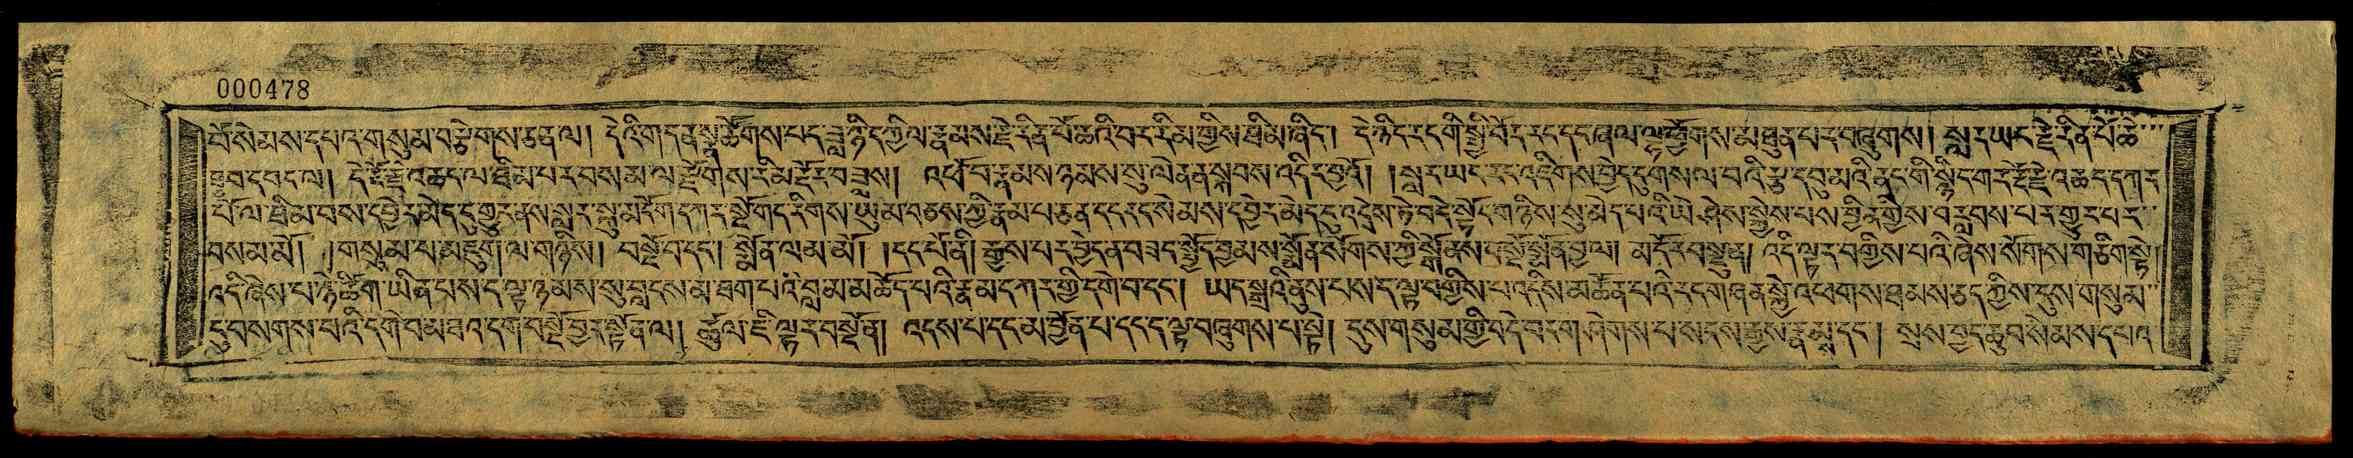བོ་སེམས་དཔའ་གསུམ་བརྩེགས་ཅན་ལ། དེའི་གདན་སྣ་ཚོགས་པད་ཟླ་ཉི་དཀྱིལ་རྣམས་རྗེ་རིན་པོ་ཆེའི་བར་རིམ་གྱིས་ཐིམ་ཞིང་། དེ་ཉིད་རང་གི་སྤྱི་བོར་རང་དང་ཞལ་ལྟ་ཕྱོགས་མཐུན་པར་བཞུགས། སླར་ཡང་རྗེ་རིན་པོ་ཆེ་
ཐུབ་དབང་ལ། དེ་རྡོ་རྗེ་འཆང་ལ་ཐིམ་པར་བསམ་ལ་རྫོགས་རིམ་རྡོར་བཟླས། འཕོ་བ་རྣམས་ཉམས་སུ་ལེན་ན་སྐབས་འདིར་བྱའོ། །སླར་ཡང་རང་འཇིགས་བྱེད་དུ་གསལ་བའི་རྩ་དབུ་མའི་ནང་གི་སྙིང་གར་རྡོ་རྗེ་འཆང་དཀར་
པོ་ལ་ཐིམ་པས་དབྱེར་མེད་དུ་གྱུར་ནས་སླར་སྐུ་མདོག་དཀར་སྔོ་གང་རིགས་ཡུམ་བཅས་ཀྱི་རྣམ་པ་ཅན་དང་རང་སེམས་དབྱེར་མེད་དུ་འདྲེས་ཏེ་བདེ་སྟོང་གཉིས་སུ་མེད་པའི་ཡེ་ཤེས་སྐྱེས་པས་བྱིན་གྱིས་བརླབས་པར་གྱུར་པར་
བསམ་མོ། །གསུམ་པ་མཇུག་ལ་གཉིས། བསྔོ་བ་དང་། སྨོན་ལམ་མོ། །དང་པོ་ནི། རྒྱས་པར་བྱེད་ན་བཟང་སྤྱོད་བྱམས་སྨོན་སོགས་ཀྱི་སྒོ་ནས་བསྔོ་སྨོན་བྱ་ལ། མདོར་བསྡུ་ན། འདི་ལྟར་བགྱིས་པའི་ཞེས་སོགས་གཅིག་སྟེ།
འདི་ཞེས་པ་ཉེ་ཚིག་ཡིན་པས་ད་ལྟ་ཉམས་སུ་བླངས་མ་ཐག་པའི་བླ་མ་མཆོད་པའི་རྣམ་དཀར་གྱི་དགེ་བ་དང་། ཡང་སྒྲའི་ནུས་པས་ད་ལྟ་བགྱིས་པ་འདིས་མཚོན་པའི་རང་གཞན་སྐྱེ་འཕགས་ཐམས་ཅད་ཀྱིས་དུས་གསུམ་
དུ་བསགས་པའི་དགེ་བ་མཐའ་དག་བསྔོ་བྱར་སྟོན་ལ། ཚུལ་ཇི་ལྟར་བསྔོ་ན། འདས་པ་དང་མ་བྱོན་པ་དང་ད་ལྟ་བཞུགས་པ་སྟེ། དུས་གསུམ་གྱི་བདེ་བར་གཤེགས་པ་སངས་རྒྱས་རྣམས་དང་། སྲས་བྱང་ཆུབ་སེམས་དཔའ་